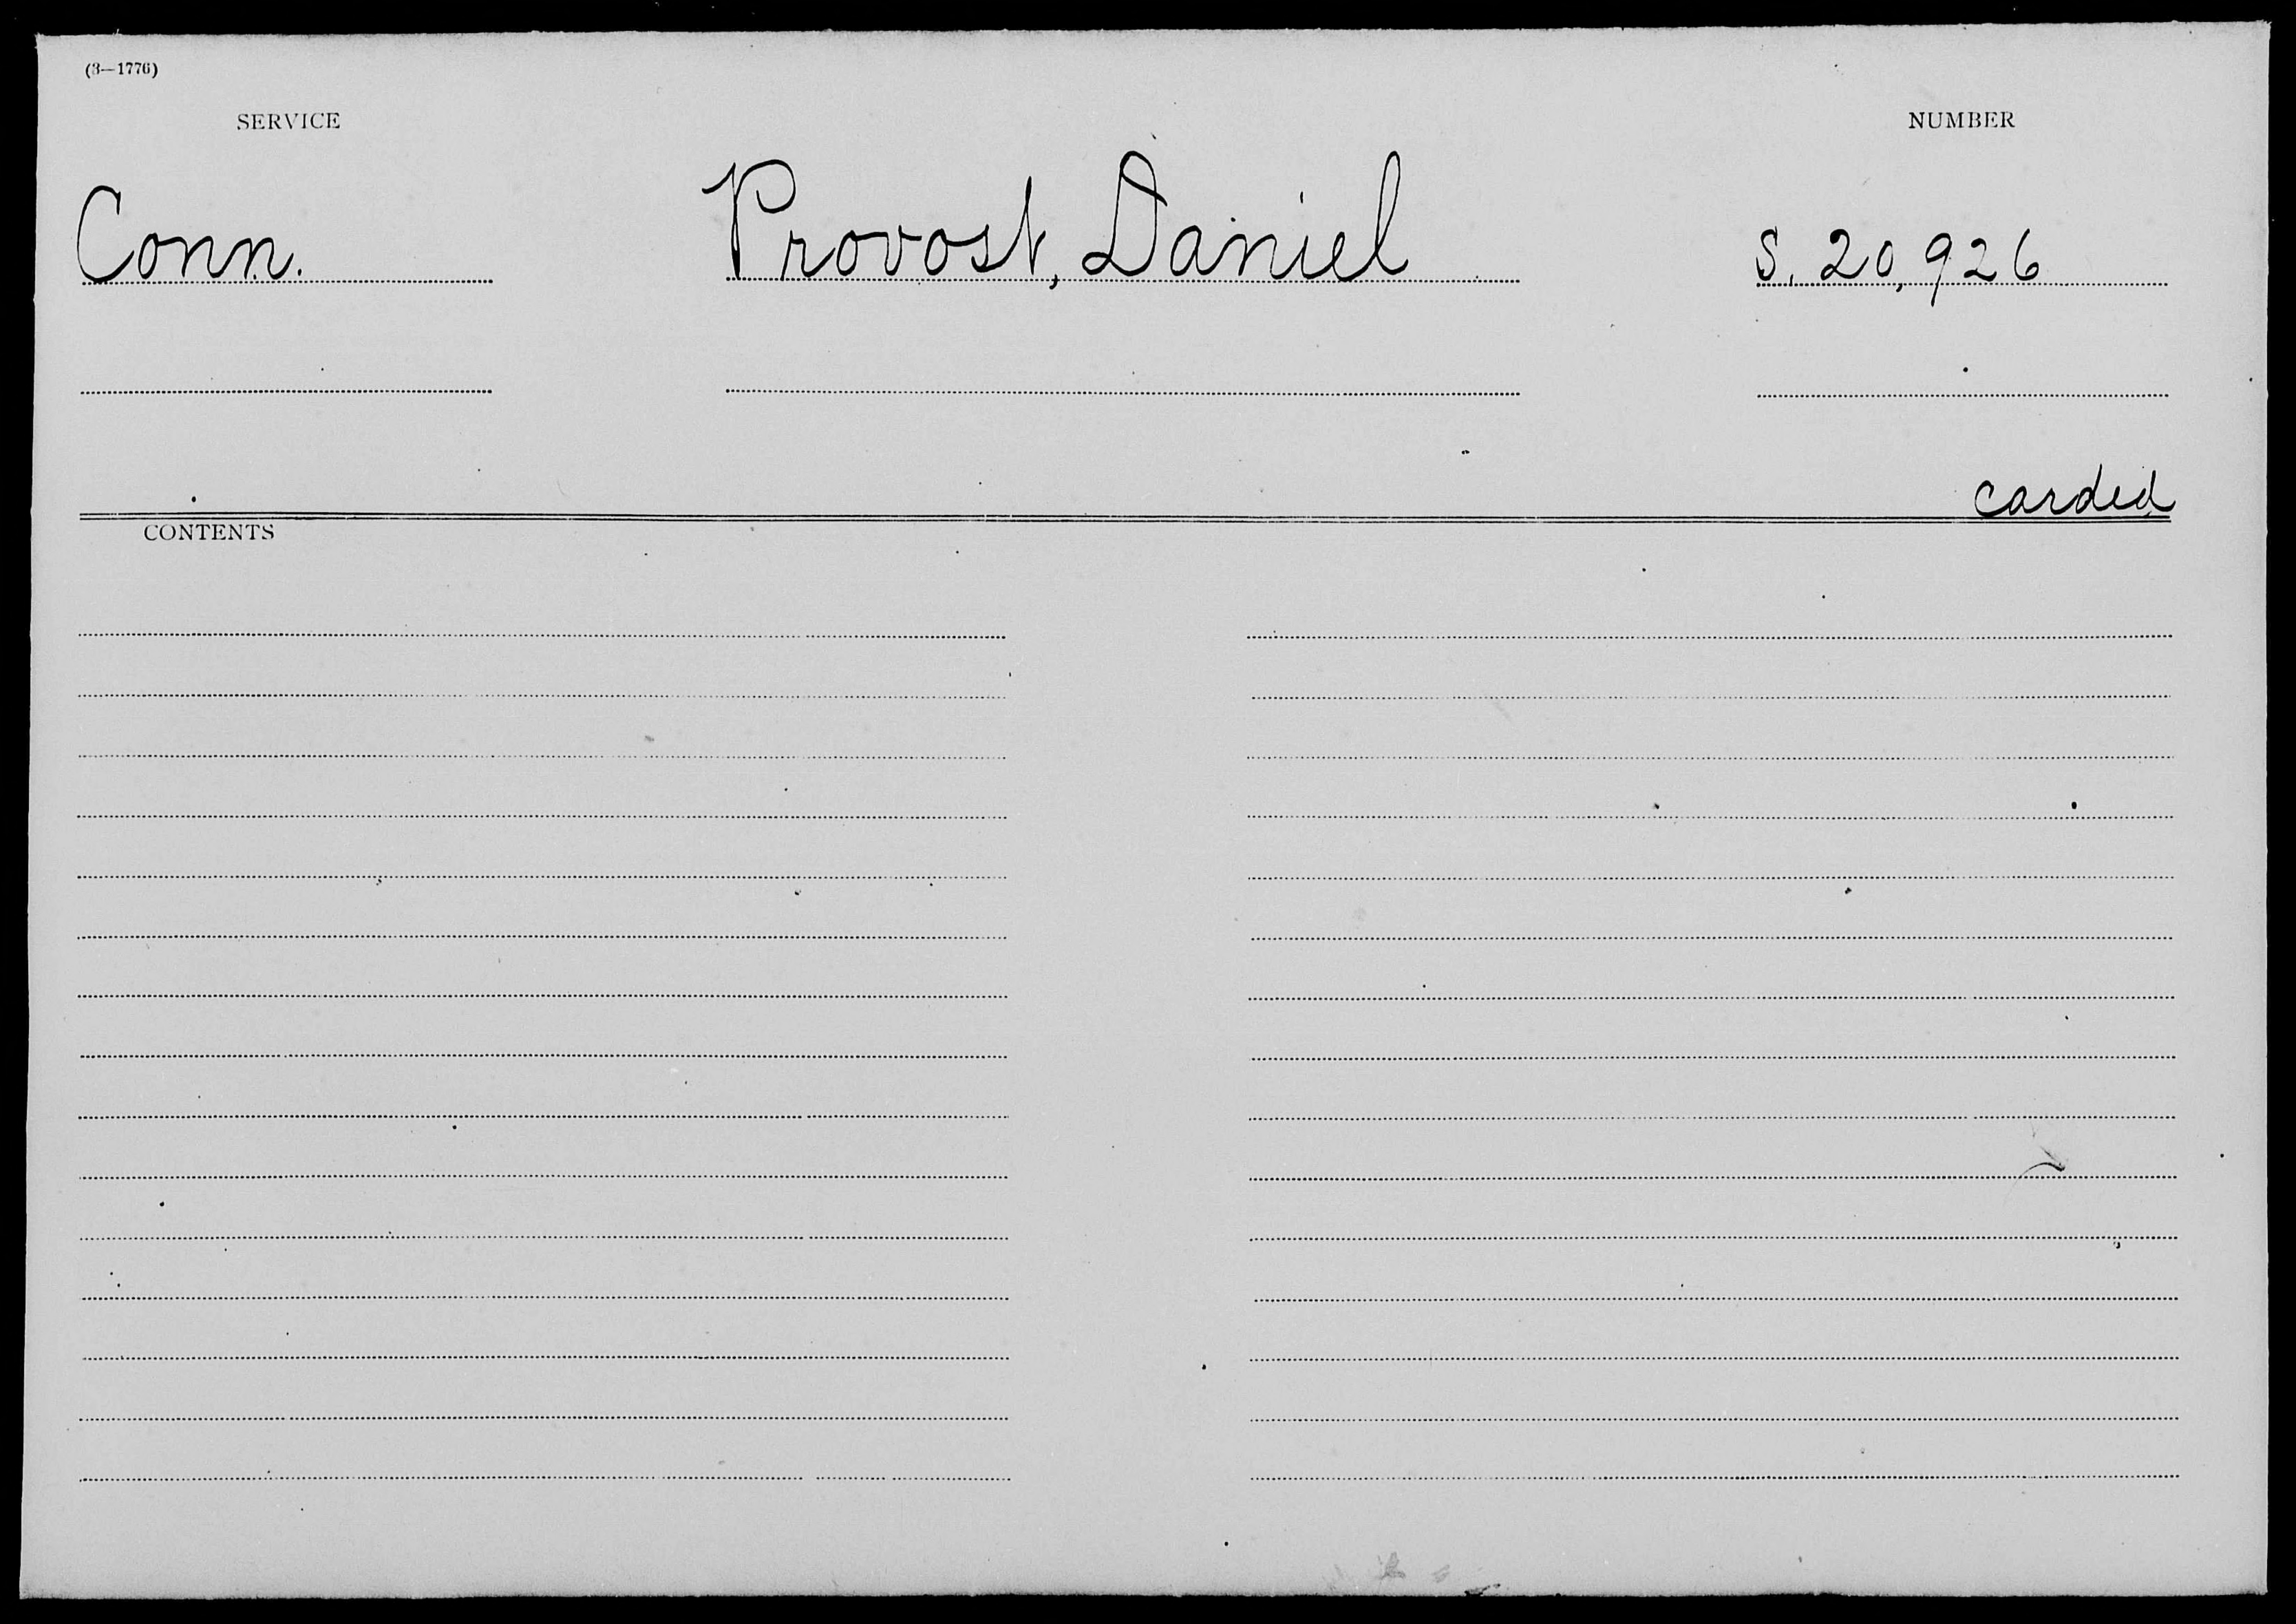(3 - 1776)
SERVICE NUMBER
Conn. Provost Daniel S. 20, 926
carded
CONTENTS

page: 1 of 24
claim: survivor's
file: S. 20,926, for Daniel Provost, Connecticut